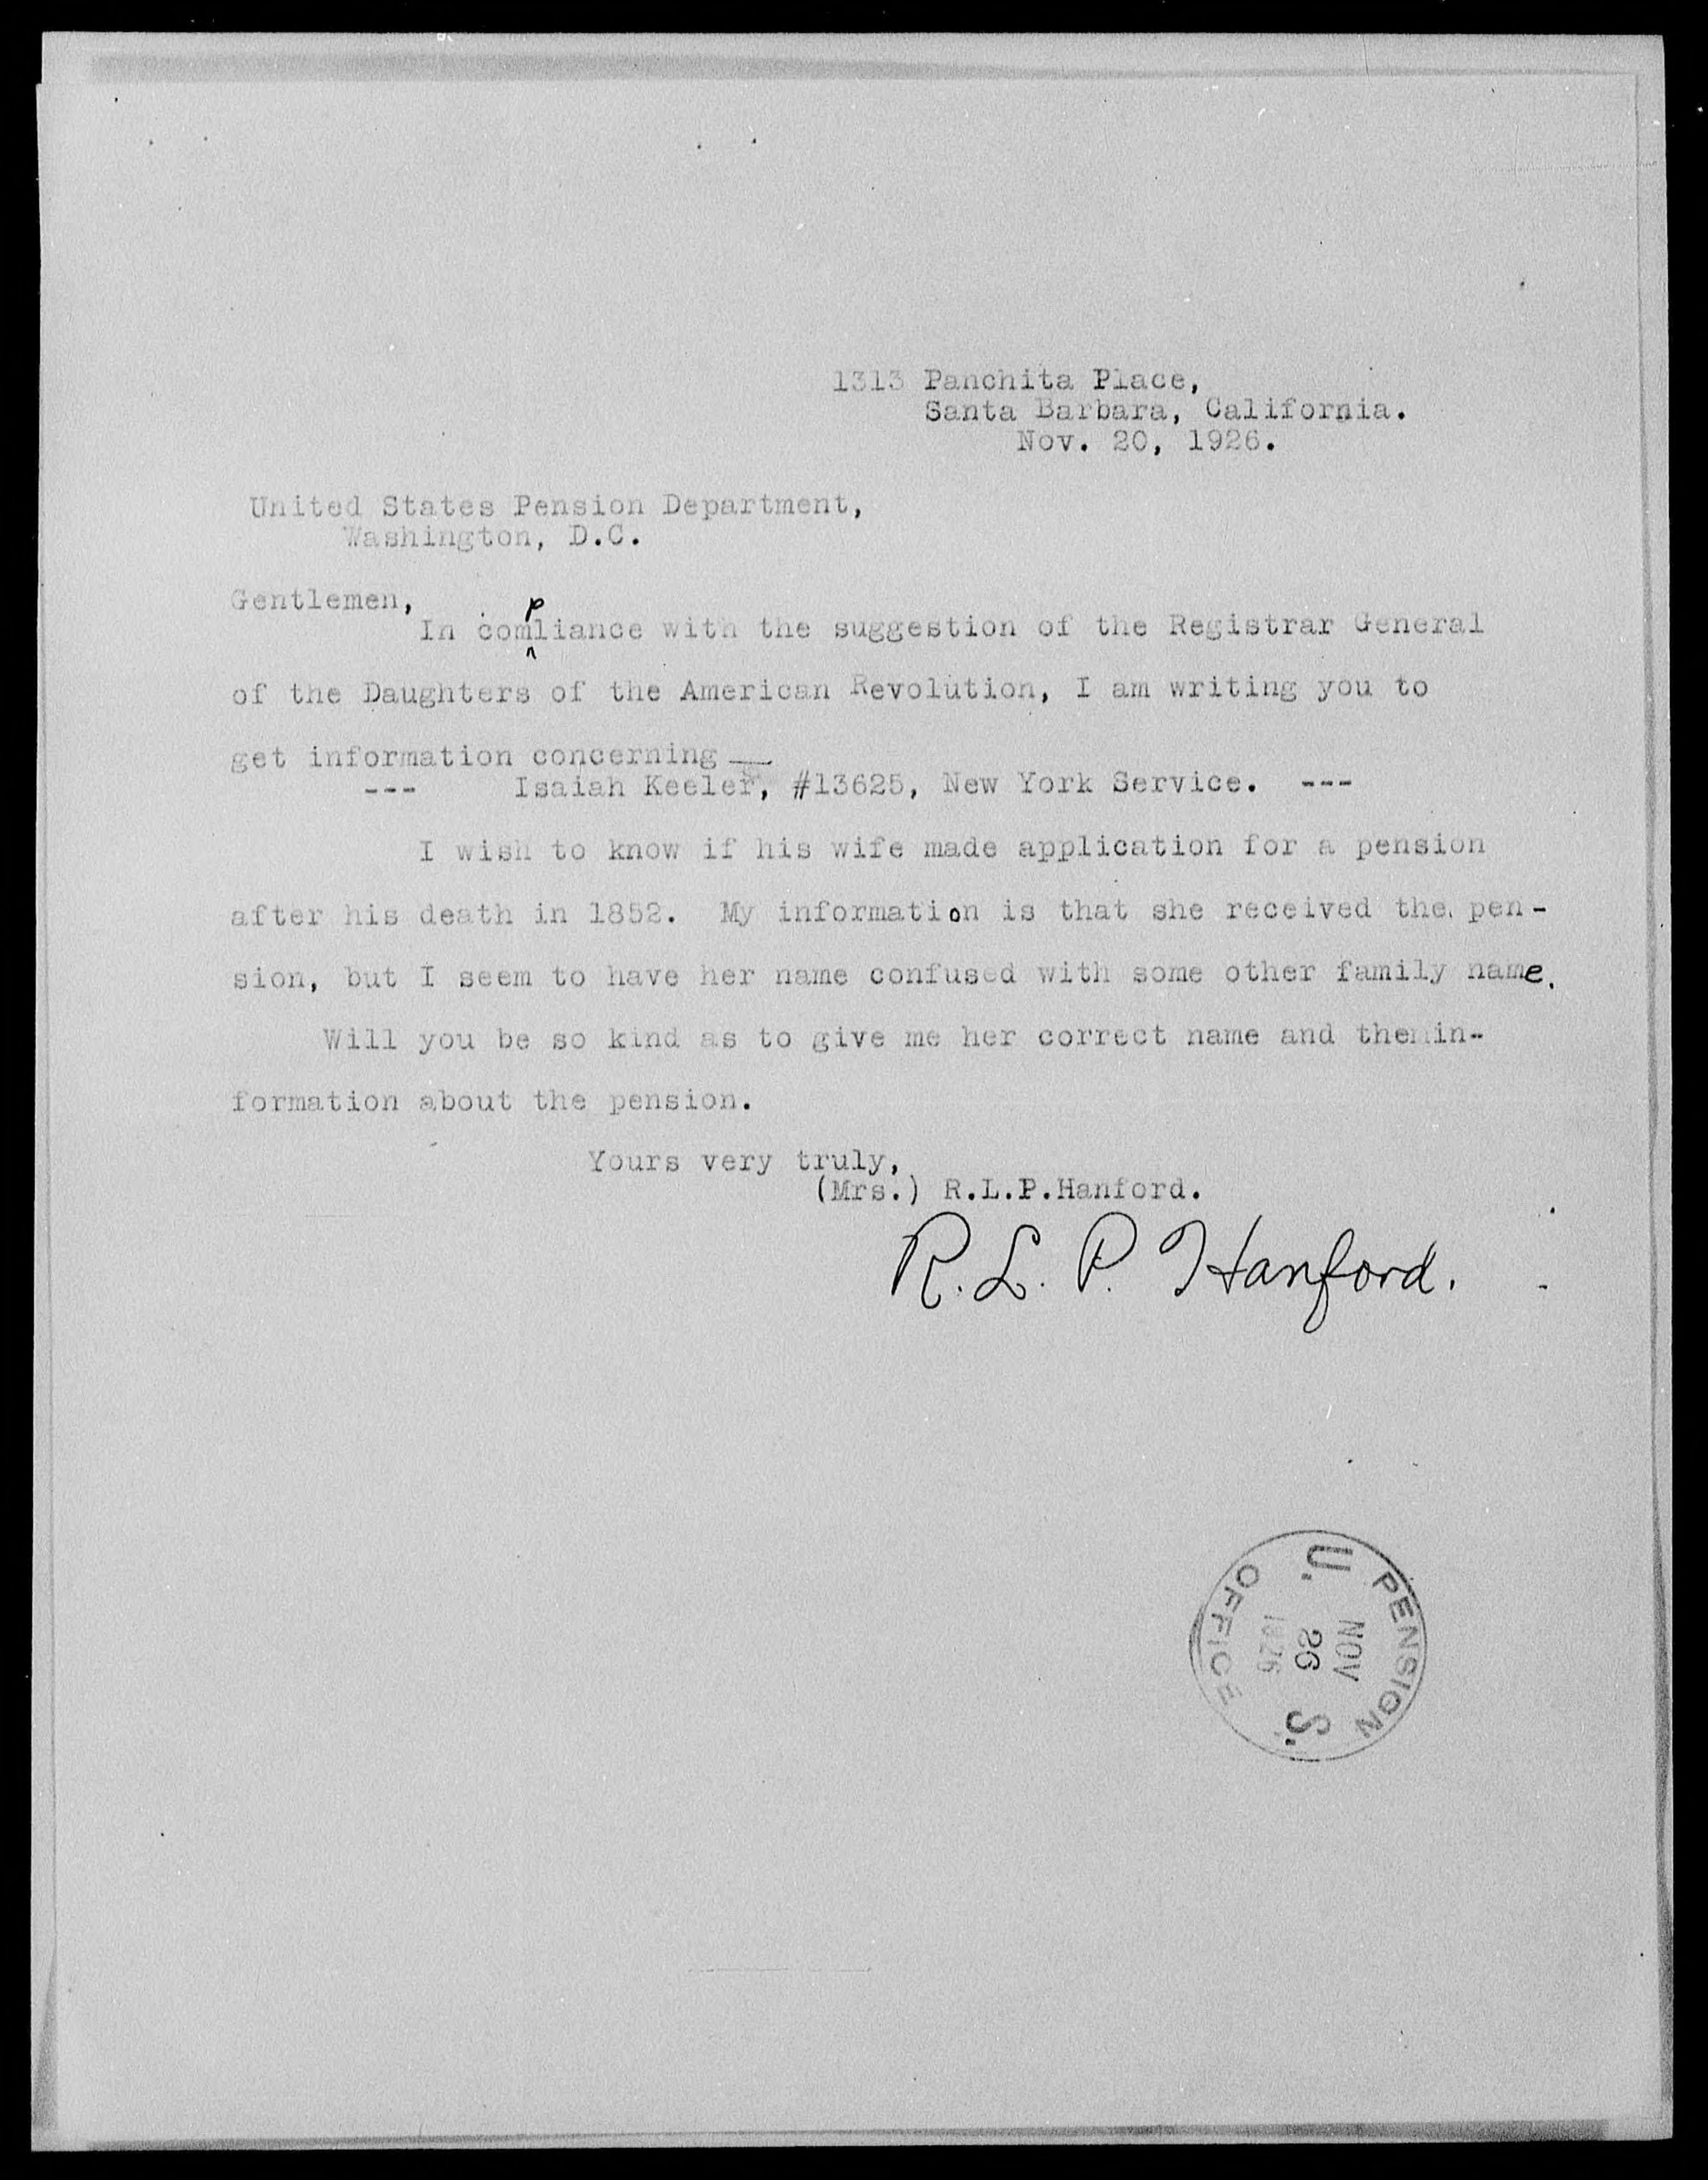1313 Panchita Place,
Santa Barbara, California.
Nov. 20, 1926.
United States Pension Department,
Washington, D. C.
Gentlemen,
In compliance with the suggestion of the Registrar General
of the Daughters of the American Revolution, I am writing you to
get information concerning-
Isaiah Keeler, #13625, New York Service.
I wish to know if his wife made application for a pension
after his death in 1852. My information is that she received the pension, but I seem to have her name confused with some other family name.
Will you be so kind as to give me her correct name and them information
about the pension.
Yours very truly,
( Mrs. ) R. L. P. Hanford.
R. L. P. Hanford,

[stamped] U.S.Pension Office  Nov 26 1926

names: Isaiah Keeler; R L P Hanford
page: 20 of 26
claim: survivor's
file: S. 13,625, for Isaiah Keeler, New York